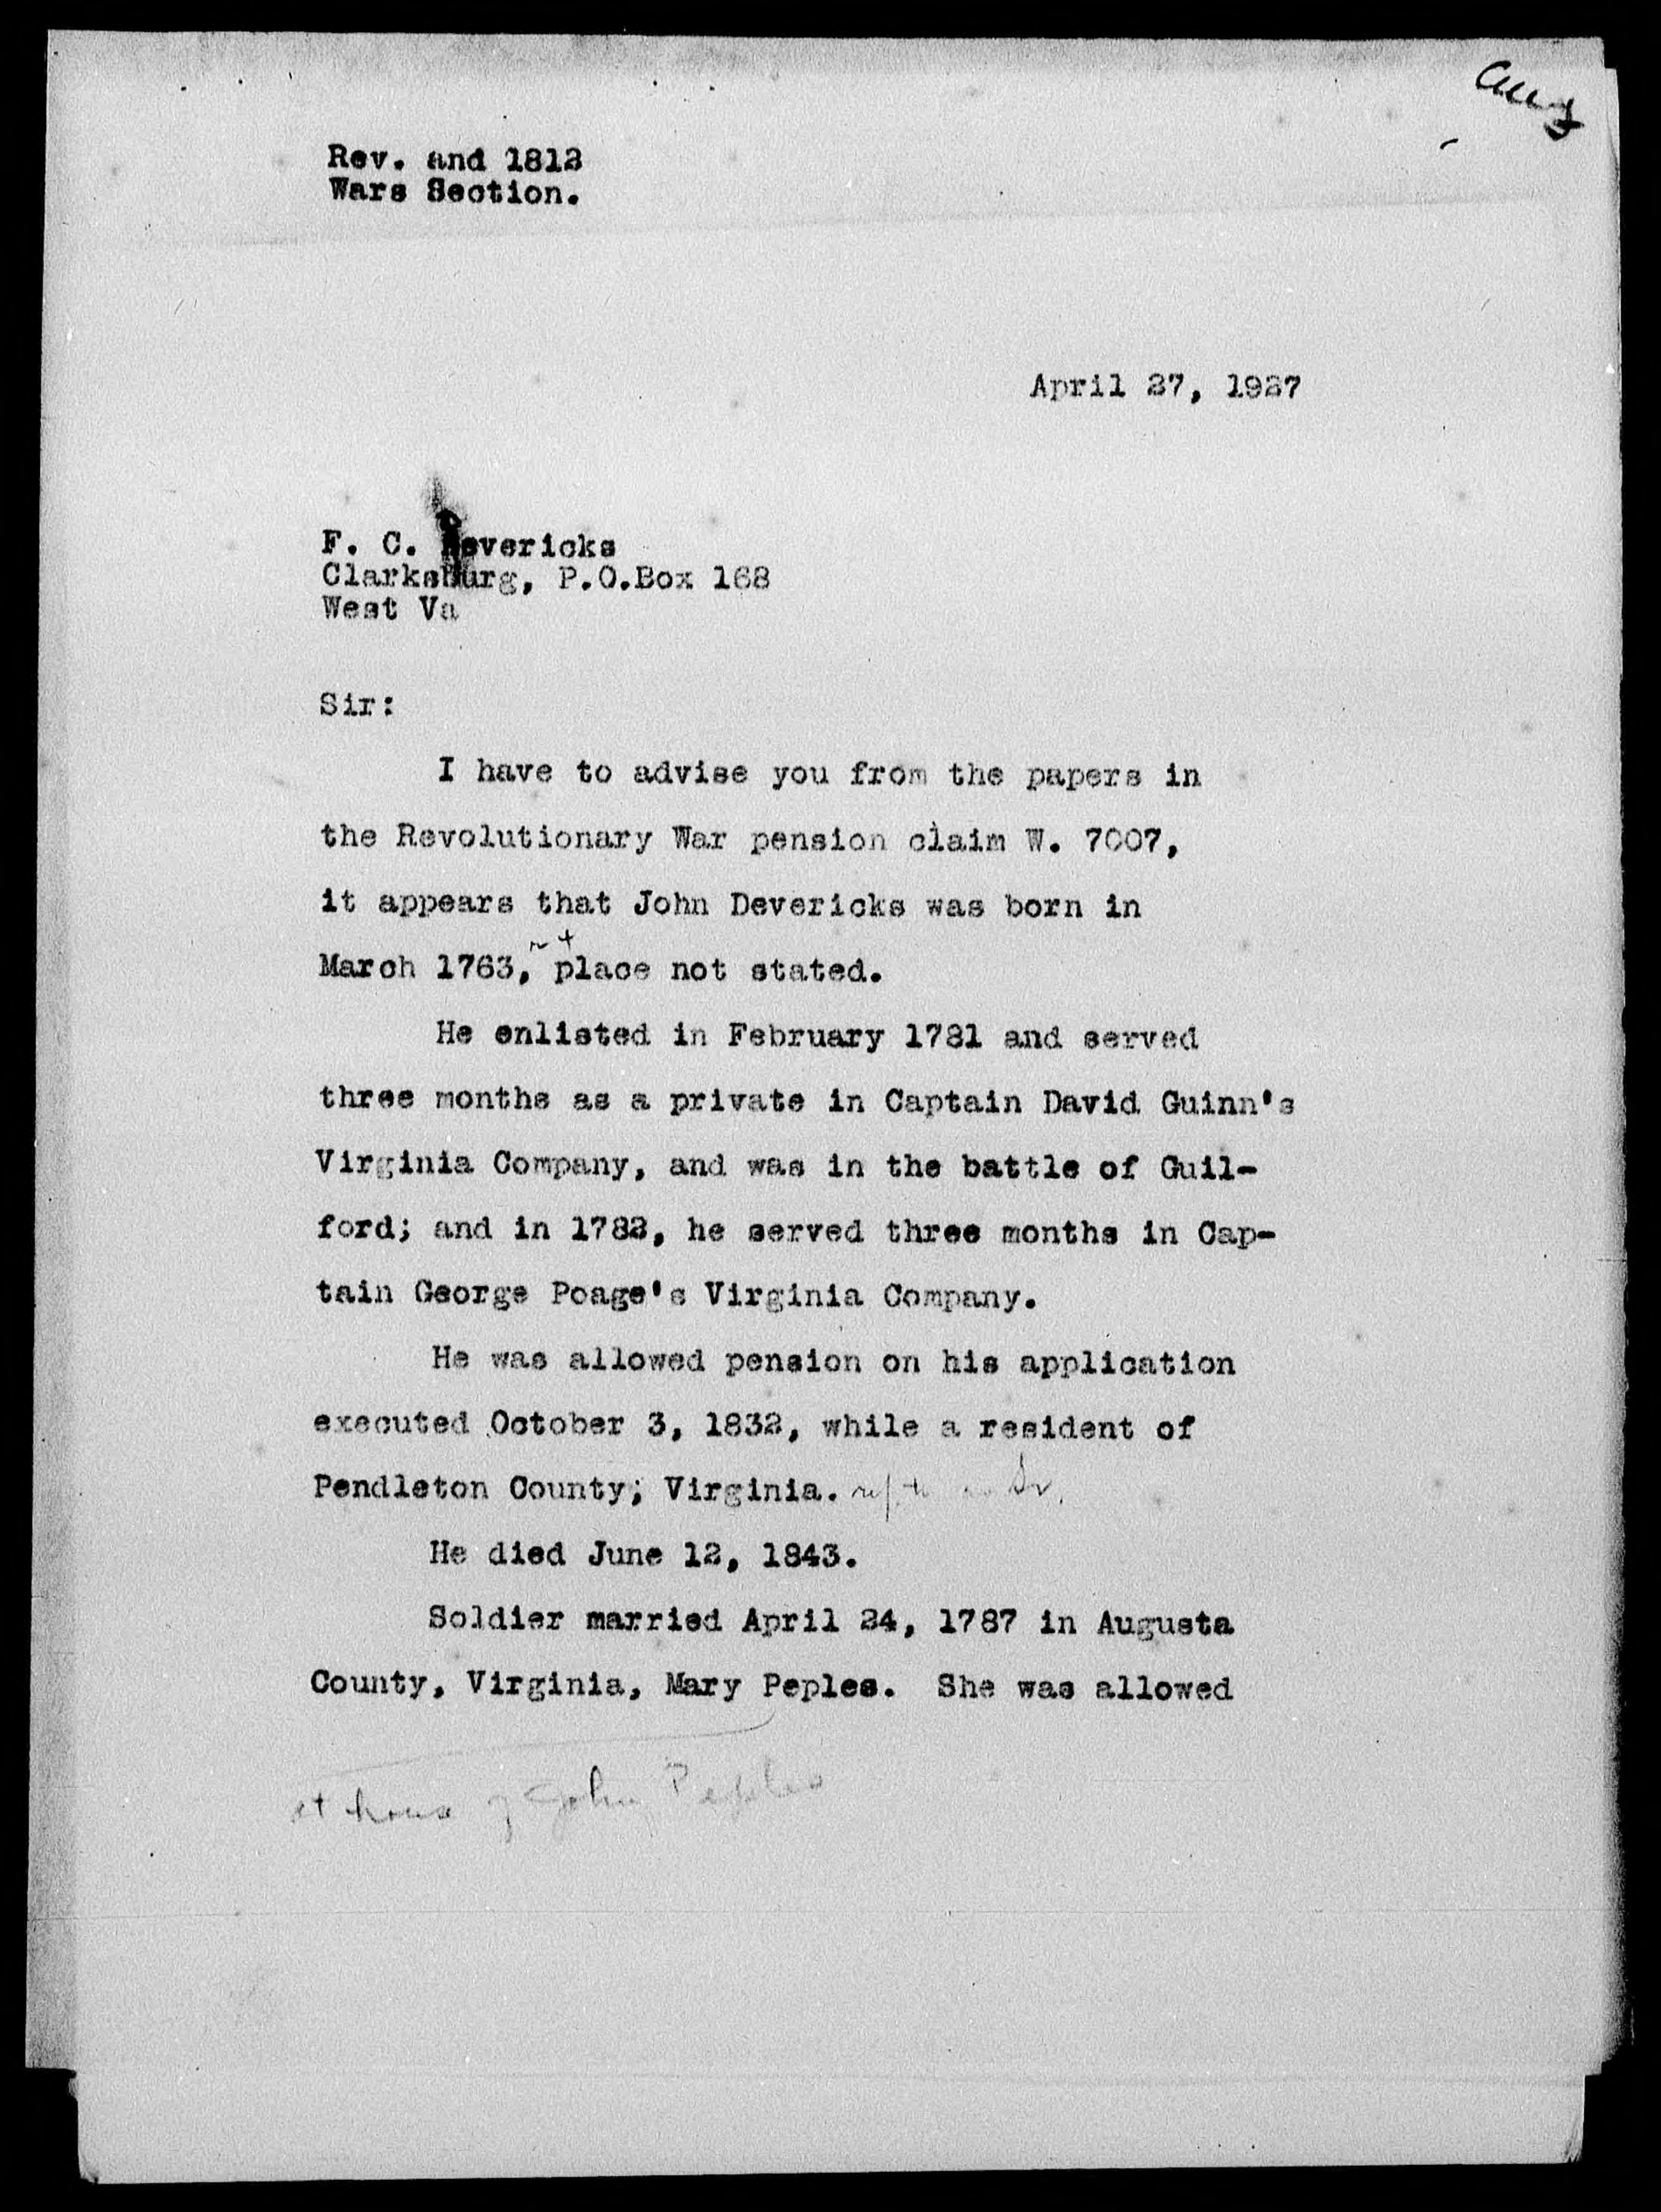Rev. and 1812
Wars Section.

April 27, 1927

F. C. Devericks
Clarksburg, P. O. Box 168
West Va

Sir:

I have to advise you from the papers in the Revolutionary War pension claim W. 7007, it appears that John Devericks was born in March 1763 or 4, place not stated.

He enlisted in February 1781 and served three months as a private in Captain David Guinn's Virginia Company, and was in the battle of Guilford; and in 1782, he served three months in Captain George Poage's Virginia Company.

He was allowed pension on his application executed October 3, 1832, while a resident of Pendleton County; Virginia. [illegible]

He died June 12, 1843.

Soldier married April 24, 1787 in Augusta County, Virginia, Mary Peples. She was allowed

at hand of John Peples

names: John Devericks, F C Devericks, Mary Peples, John Peples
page: 16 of 35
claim: widow's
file: W 7007, John Devericks, Va.